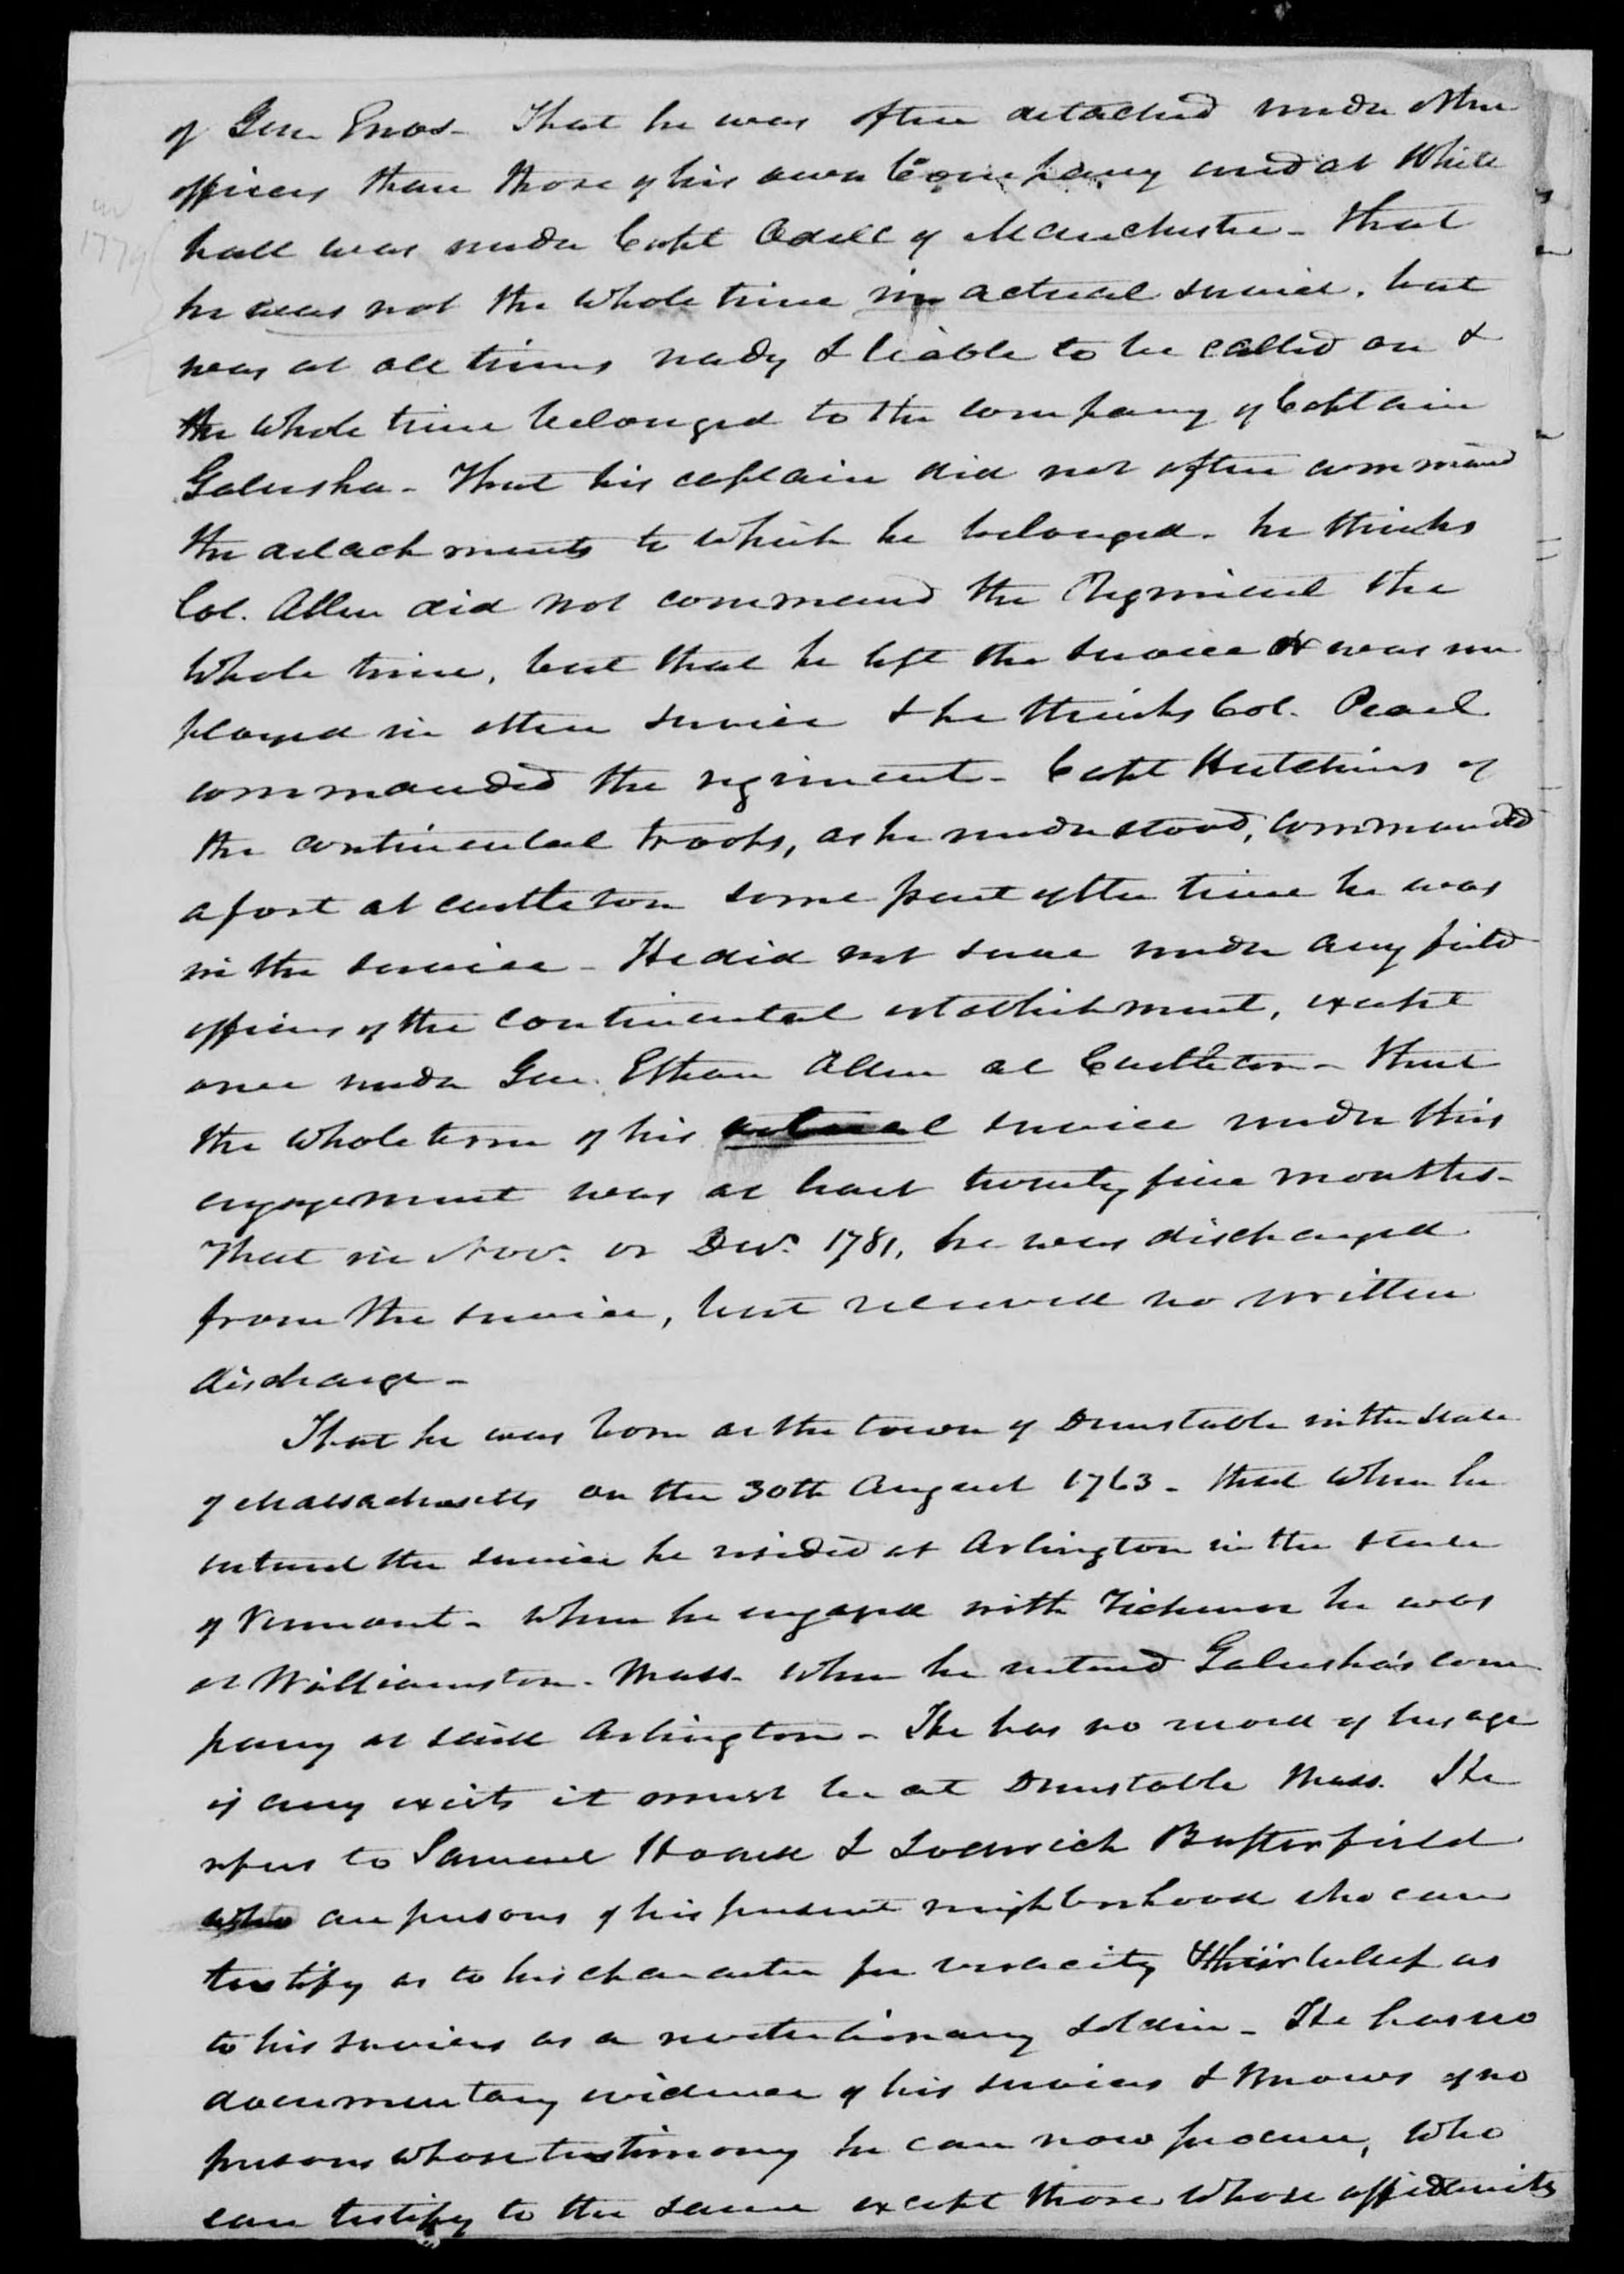of June last. That he was often attached under other officers than those of his own company and at Whitehall was under Capt Odell of Manchester that he was not the whole time in actual service, but was at all times ready & liable to be called on & the whole time belonged to the company of Captain Galusha. That his captain did not often command the detachments to which he belonged. he thinks Col. Allen did not command the Regiment the whole time, but that he left the service or was a placed in other service & he thinks Col. Peace commanded the regiment. Capt Hutchins of
the continental troops, as he understood commanded a fort at Castleton some part of the time he was in the service. He did not serve under any field officers of the continental establishment, except one under Gen. Ethan Allen at Chittam that the whole term of his service under this engagement was about twenty five months, That in Nov or Dec. 1781, he was discharged from the service, but received no written discharge
That he was born in the town of Dunstable in the State of Massachusetts on the 30th August 1763. that when he entered the service he resided at Arlington in the State
Vermont. when he engaged with Richence he was at Williamston, Mass when he entered Galusha's company of said Ashington. he has proof of his age if any expects it must be at Dunstable Mass. The reference to Samuel House & Lodwick Butterfield who are persons of his present neighborhood who can testify as to his character for veracity & their belief as to his services as a revolutionary soldier. He has no documentary evidence of his service & knows of no persons whose testimony he can now procure, who can testify to the same except those whose affidavits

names: Allen, Lodwick Butterfield, Pearl, Galusha, Ethan Allen, Enos, Samuel Hoard, Hutchins, Odell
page: 3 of 40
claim: rejected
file: R. 1558, Jonathan Butterfield, Mass. Vt.